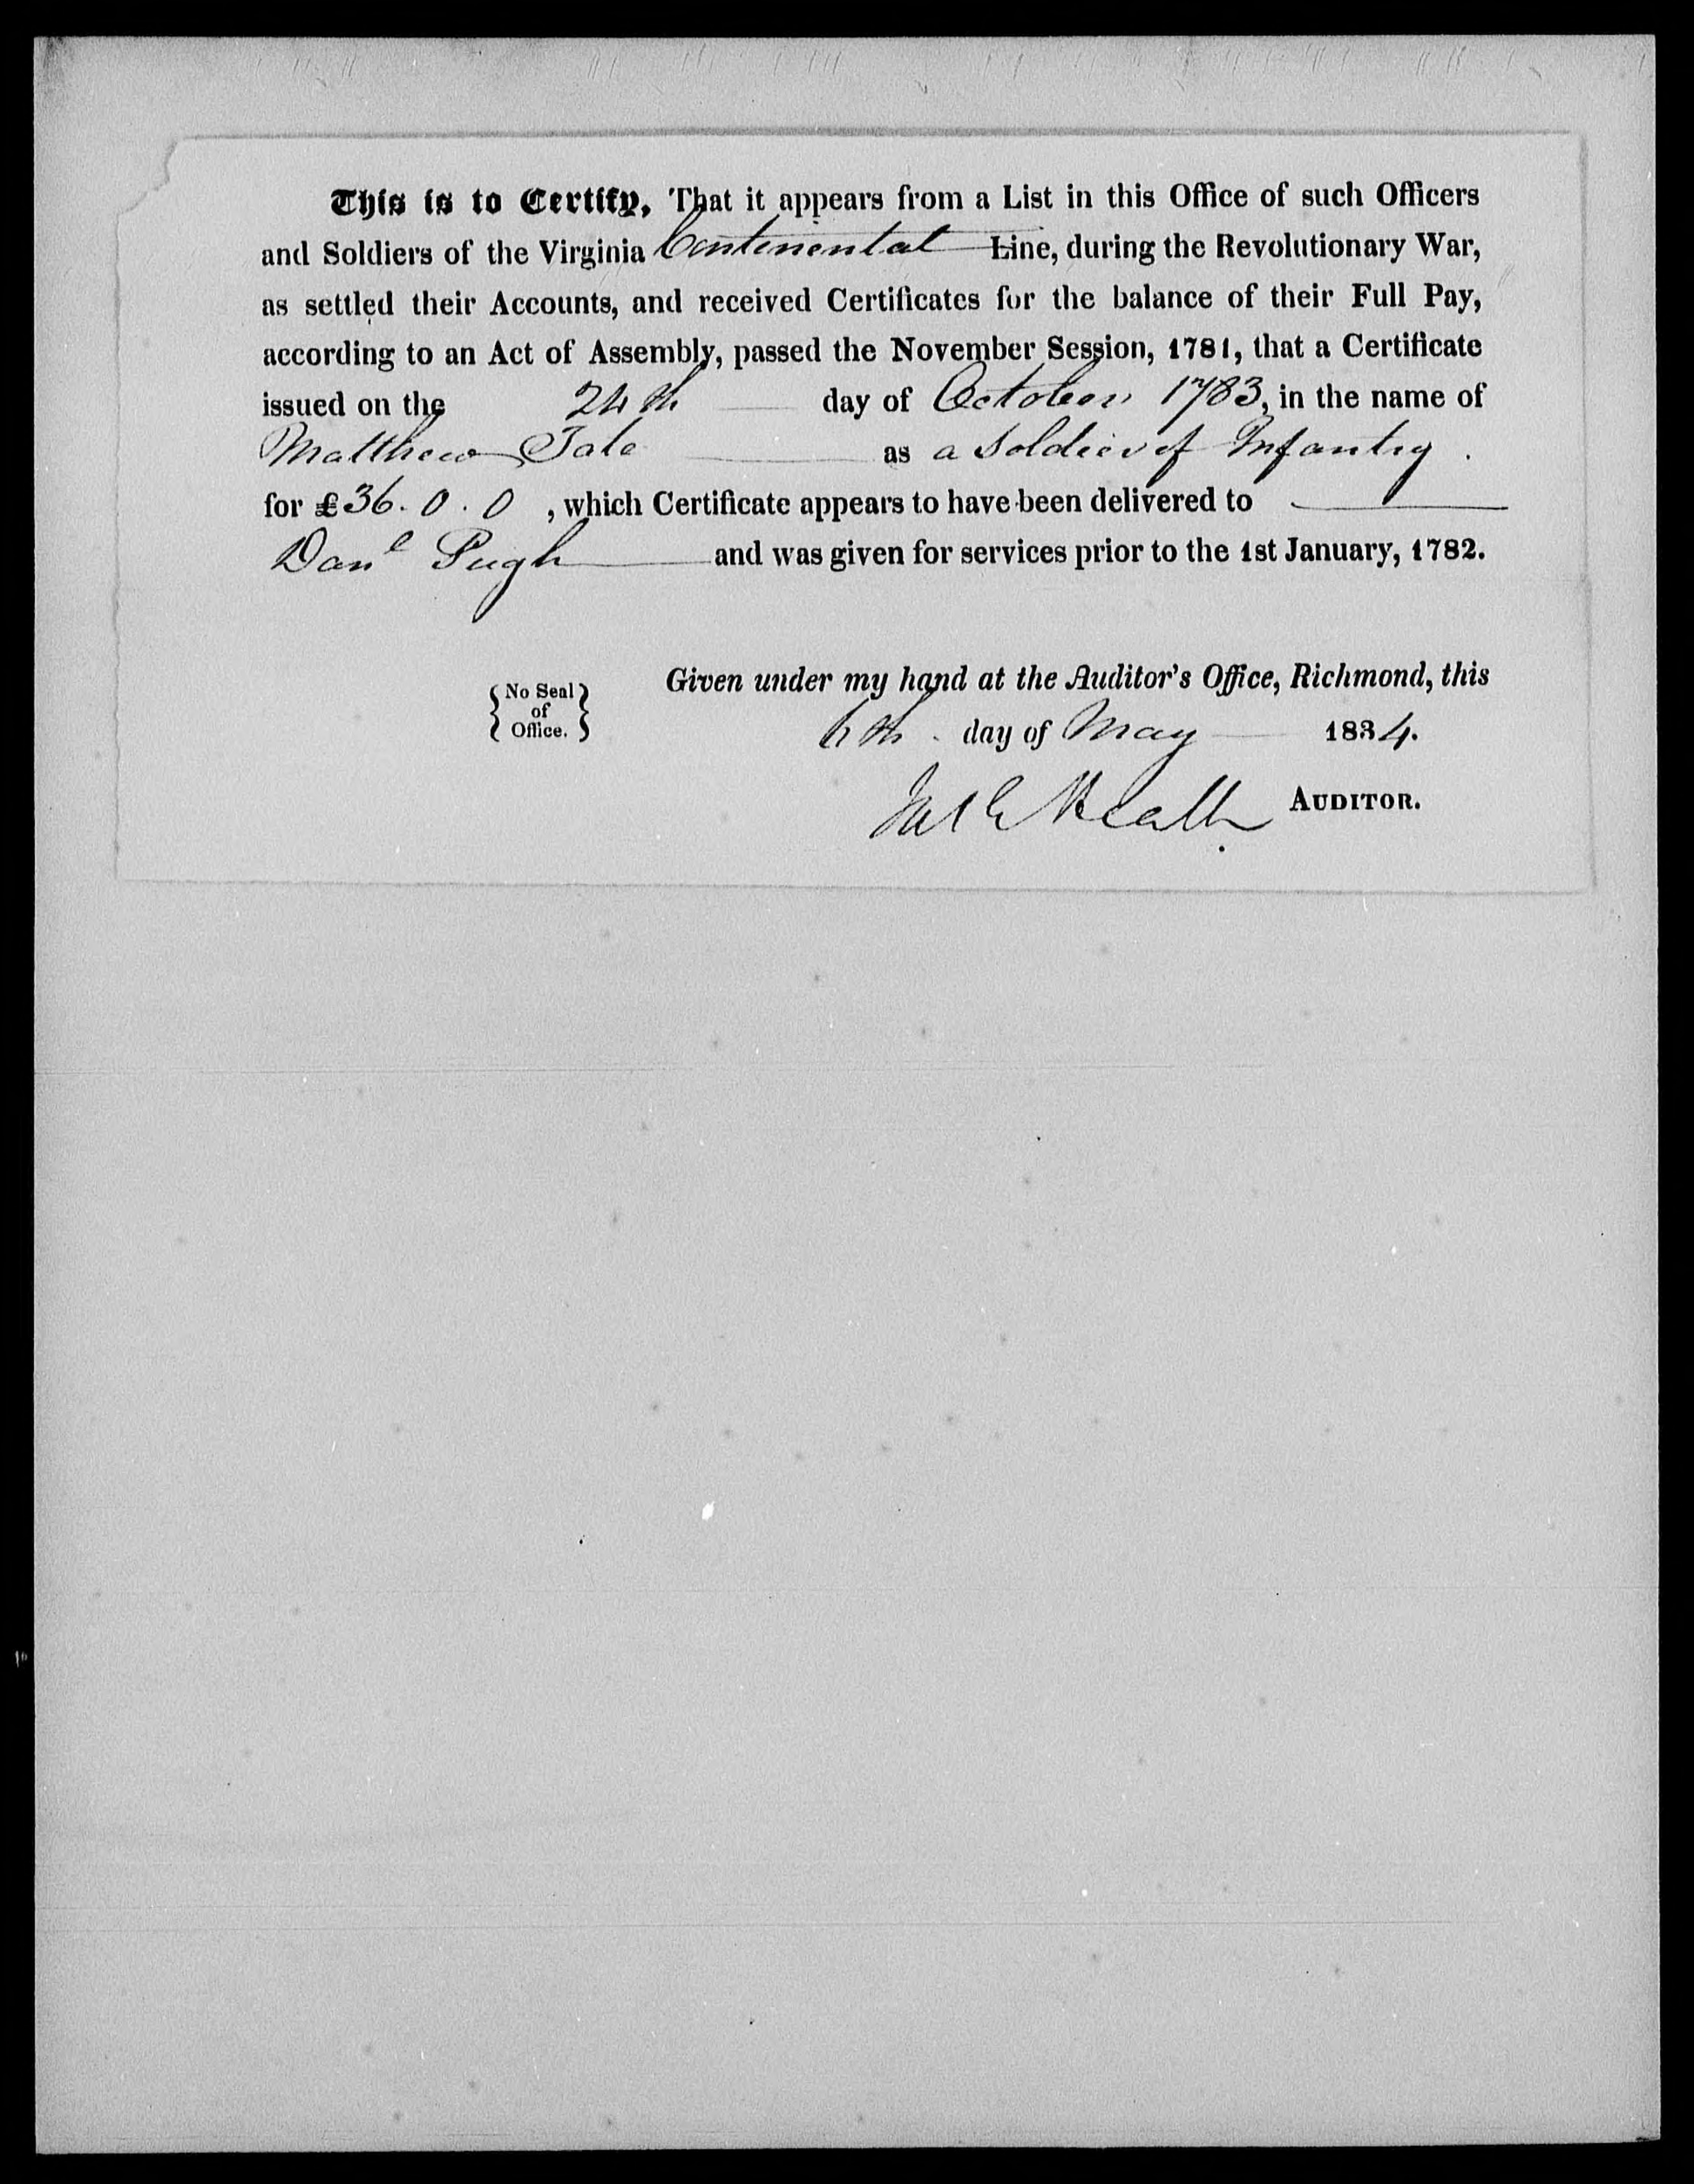This is to certify, That it appears from a List in this Office of such Officers
and Soldiers of Virginia Continental Line, during the Revolutionary War,
as settle their Accounts, and received Certificates for the balance of their Full Pay,
according to an Act of Assembly, passed the November Session,1781, that a Certificate
issued on the 24th day of October 1783 in the 
name of
Matthew Tate as a Soldier of Infantry
for 36.0.0, which Certificate appears to have been delivered to ---
Dan Pugh-- and was given for servicers prior to the 1st January,1782.
{No Seal of Office}
Given under my hand at the Auditor's Office, Richmond, this
6th day of May 1884
Mr. E. Neall AUDITOR.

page: 14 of 18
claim: survivor's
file: S. 11,508, for Mathew Tate, Virginia